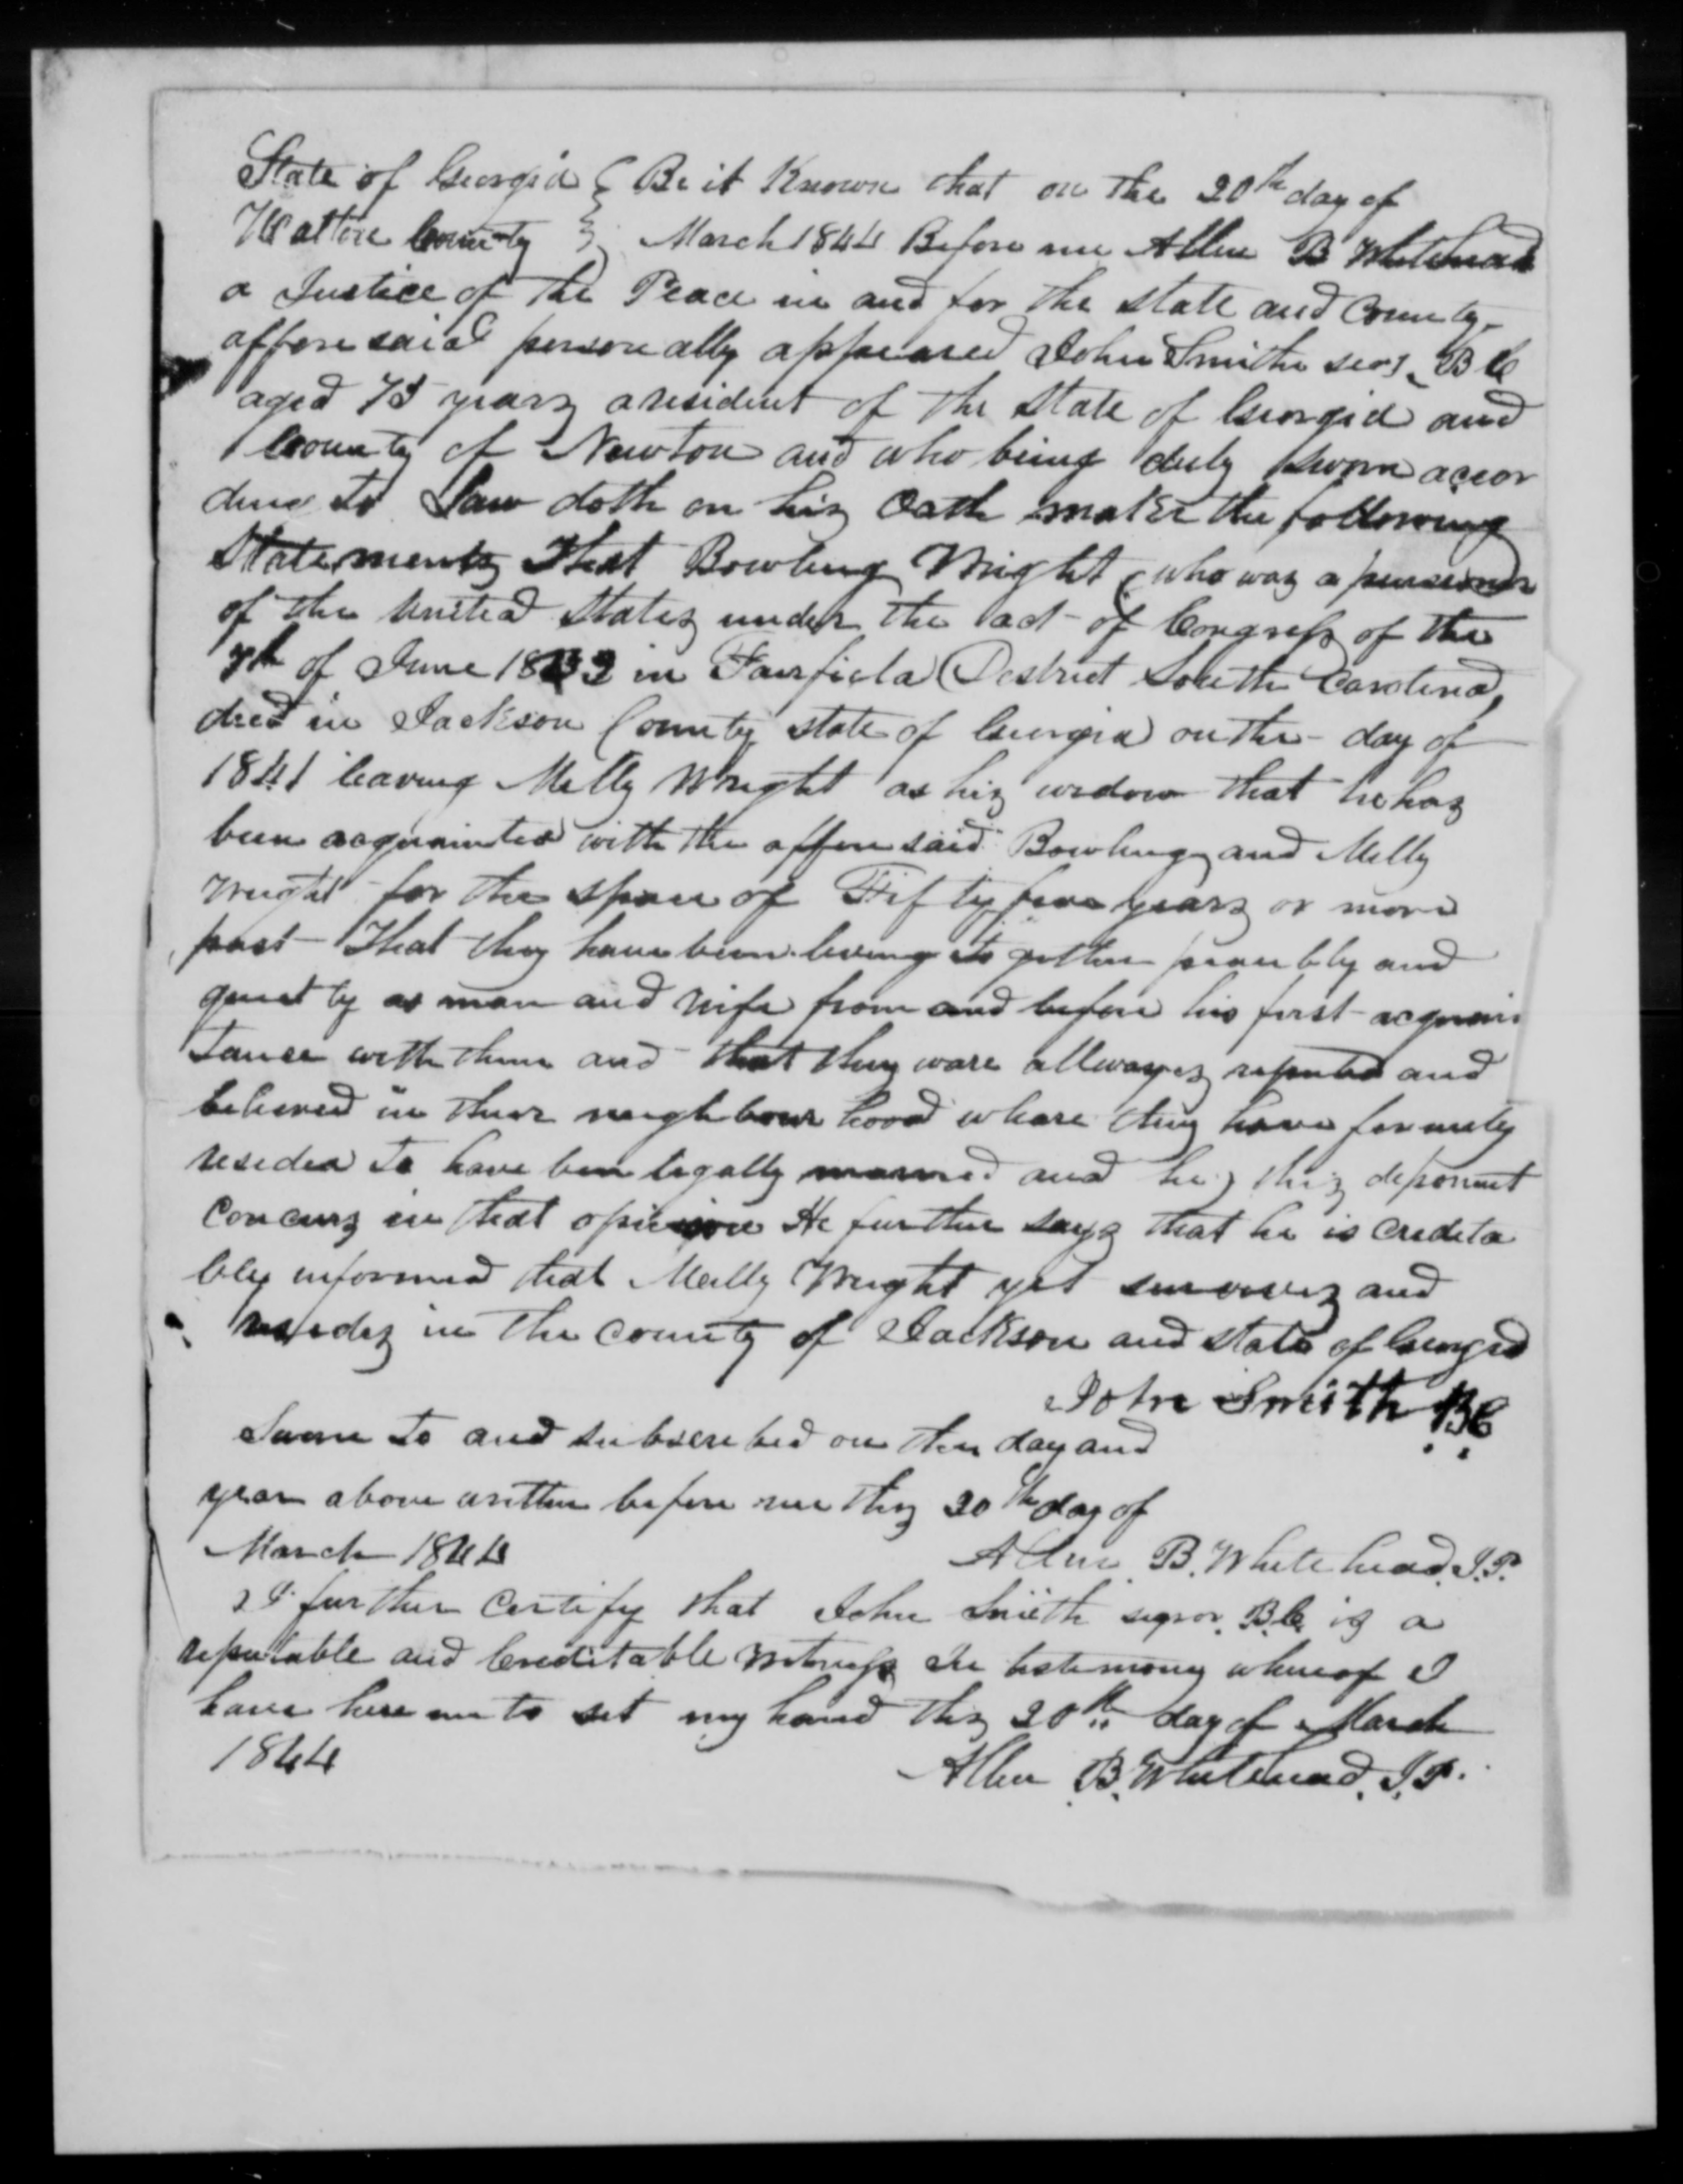State of Georgia
Walter County ⎬Be it Known that on the 20th day of
March 1844 Before me Allen B Whitehead
Justice of the Peace in and for the state and County
afforesaid personally appeared John Smith Sen BC
aged 75 years a resident of the State of Georgia and
County of Newton and who being duly sworn according
to Law doth on his Oath make the following
Statements that Bowling [sic] Wright who was a pensioner
of the United States under the act of Congress of the
7th of June 1832 in Fairfield District South Carolina
died in Jackson County State of Georgia on the _ day of
1841 leaving Milly Wright as his widow that he has
been acquainted with the afforesaid Bowling and Milly
Wright for the space of Fifty five years or more
past _ That they have been living to gether proubly and
[illegible] as man and wife from and before his first 
acquaintance with them and that they were allways reputed and
believed in their neighbourhood where they have formerly
resided to have been legally married and he this deponent
concurs in that opinion He further says that he is creditably
informed that Molly [sic] Wright yet survives and
resides in the County of Jackson and State of George
John Smith BC
Sworn to and subscribed on the day and
year above written before me this 20th day of
March 1844. Allen B. Whitehead J.P.
I further certify that John Smith signor BC is a
reputable and creditable witness In testimony whereof I
have hereunto set my hand the 20th day of March
1844. Allen B. Whitehead J.P.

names: Milly Wright, Bowling Wright, John Smith, Allen B Whitehead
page: 46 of 81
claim: widow's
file: W. 5183, Bolling Wright, Va.